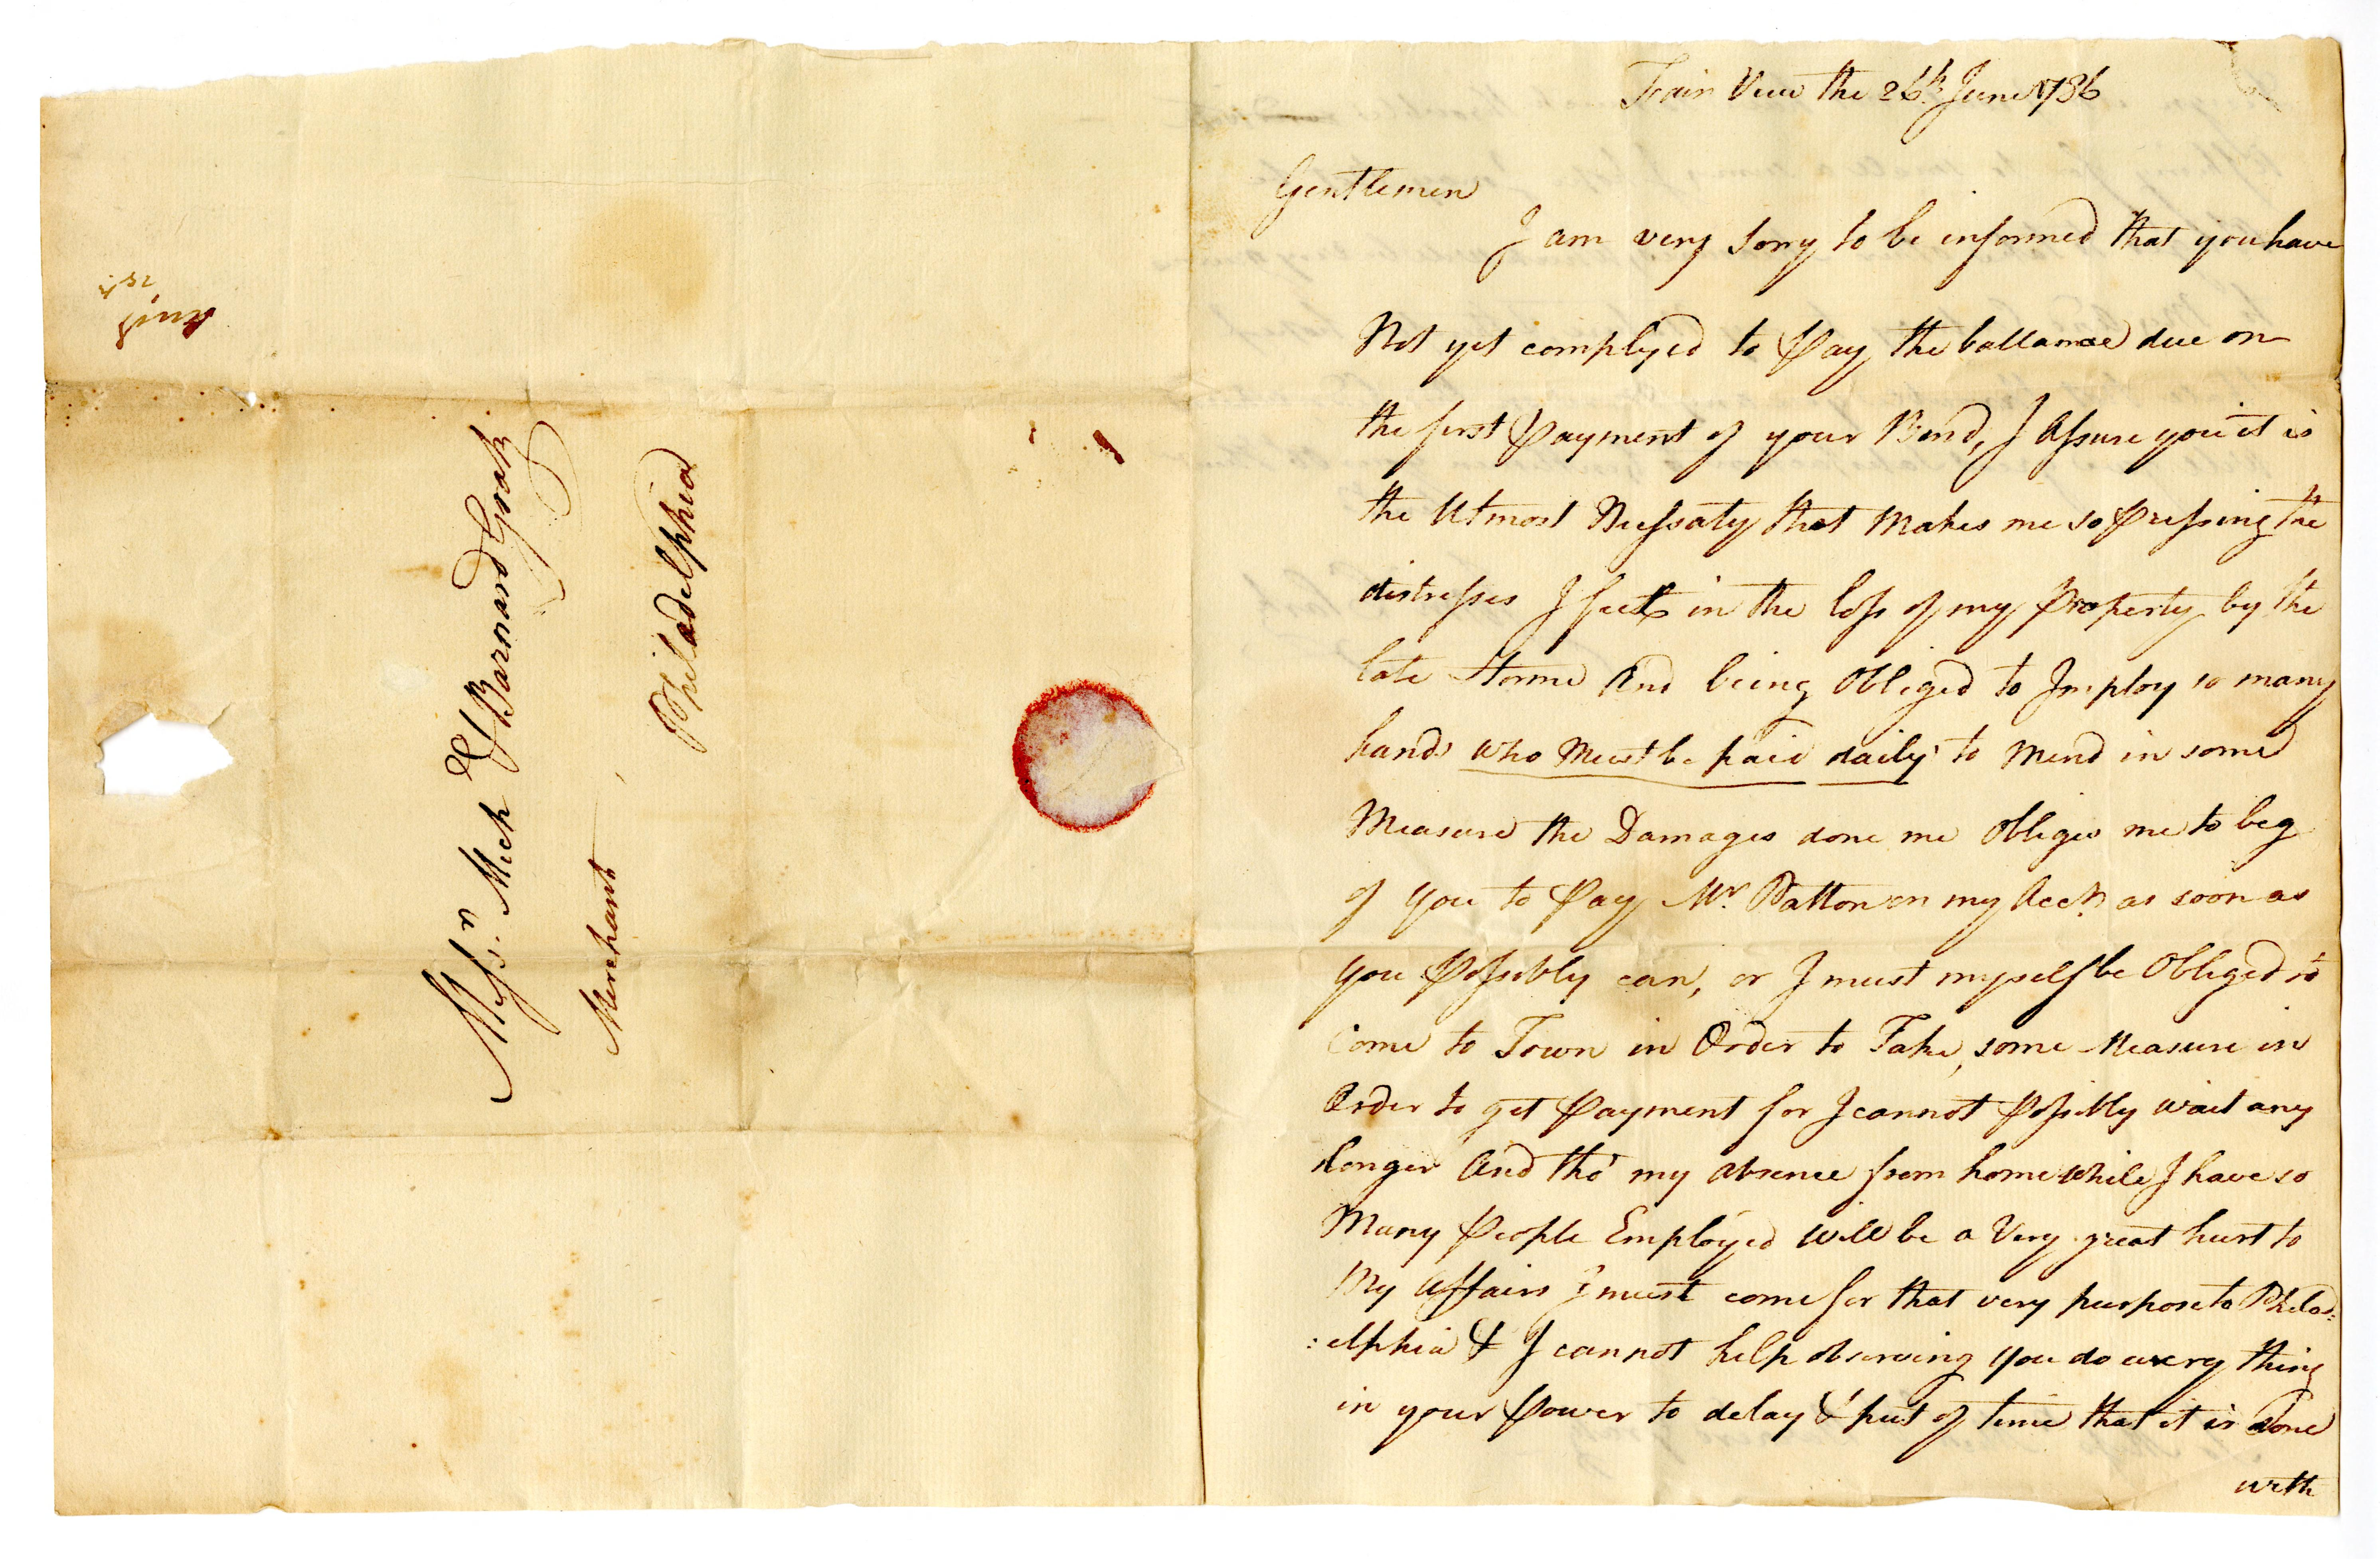Mess^rs Mich^l & Barnard Gratz
Merchant
Philadelphia
Fair View the 26^th June 1786
Gentlemen
I am very Sorry to be informed that you have
not yet complyed to pay the Ballance due on
the first Payment of your Bond, I Assure you it is
the Utmost necessaty that Makes me so pushing the
distresses I feel in the loss of my Property by the
late Storme and being obliged to Imploy so many
hands who Must be paid daily to mend in some
Measure the Damages done me obliges me to beg
of You to Pay M^r Patton on my Acco^t. as soon as
You Possibly can, or I must myself be obliged to
come to Town in Order to Take some Measure in
order to get Payment for I cannot possibly wait any
longer and tho' my absence from home while I have so
Many People Employed will be a Very great hurt to
My Affairs I must come for that very purpose to Philad-
-elphia & I cannot help observing you do every thing
in your power to delay & put of time that it is done
with